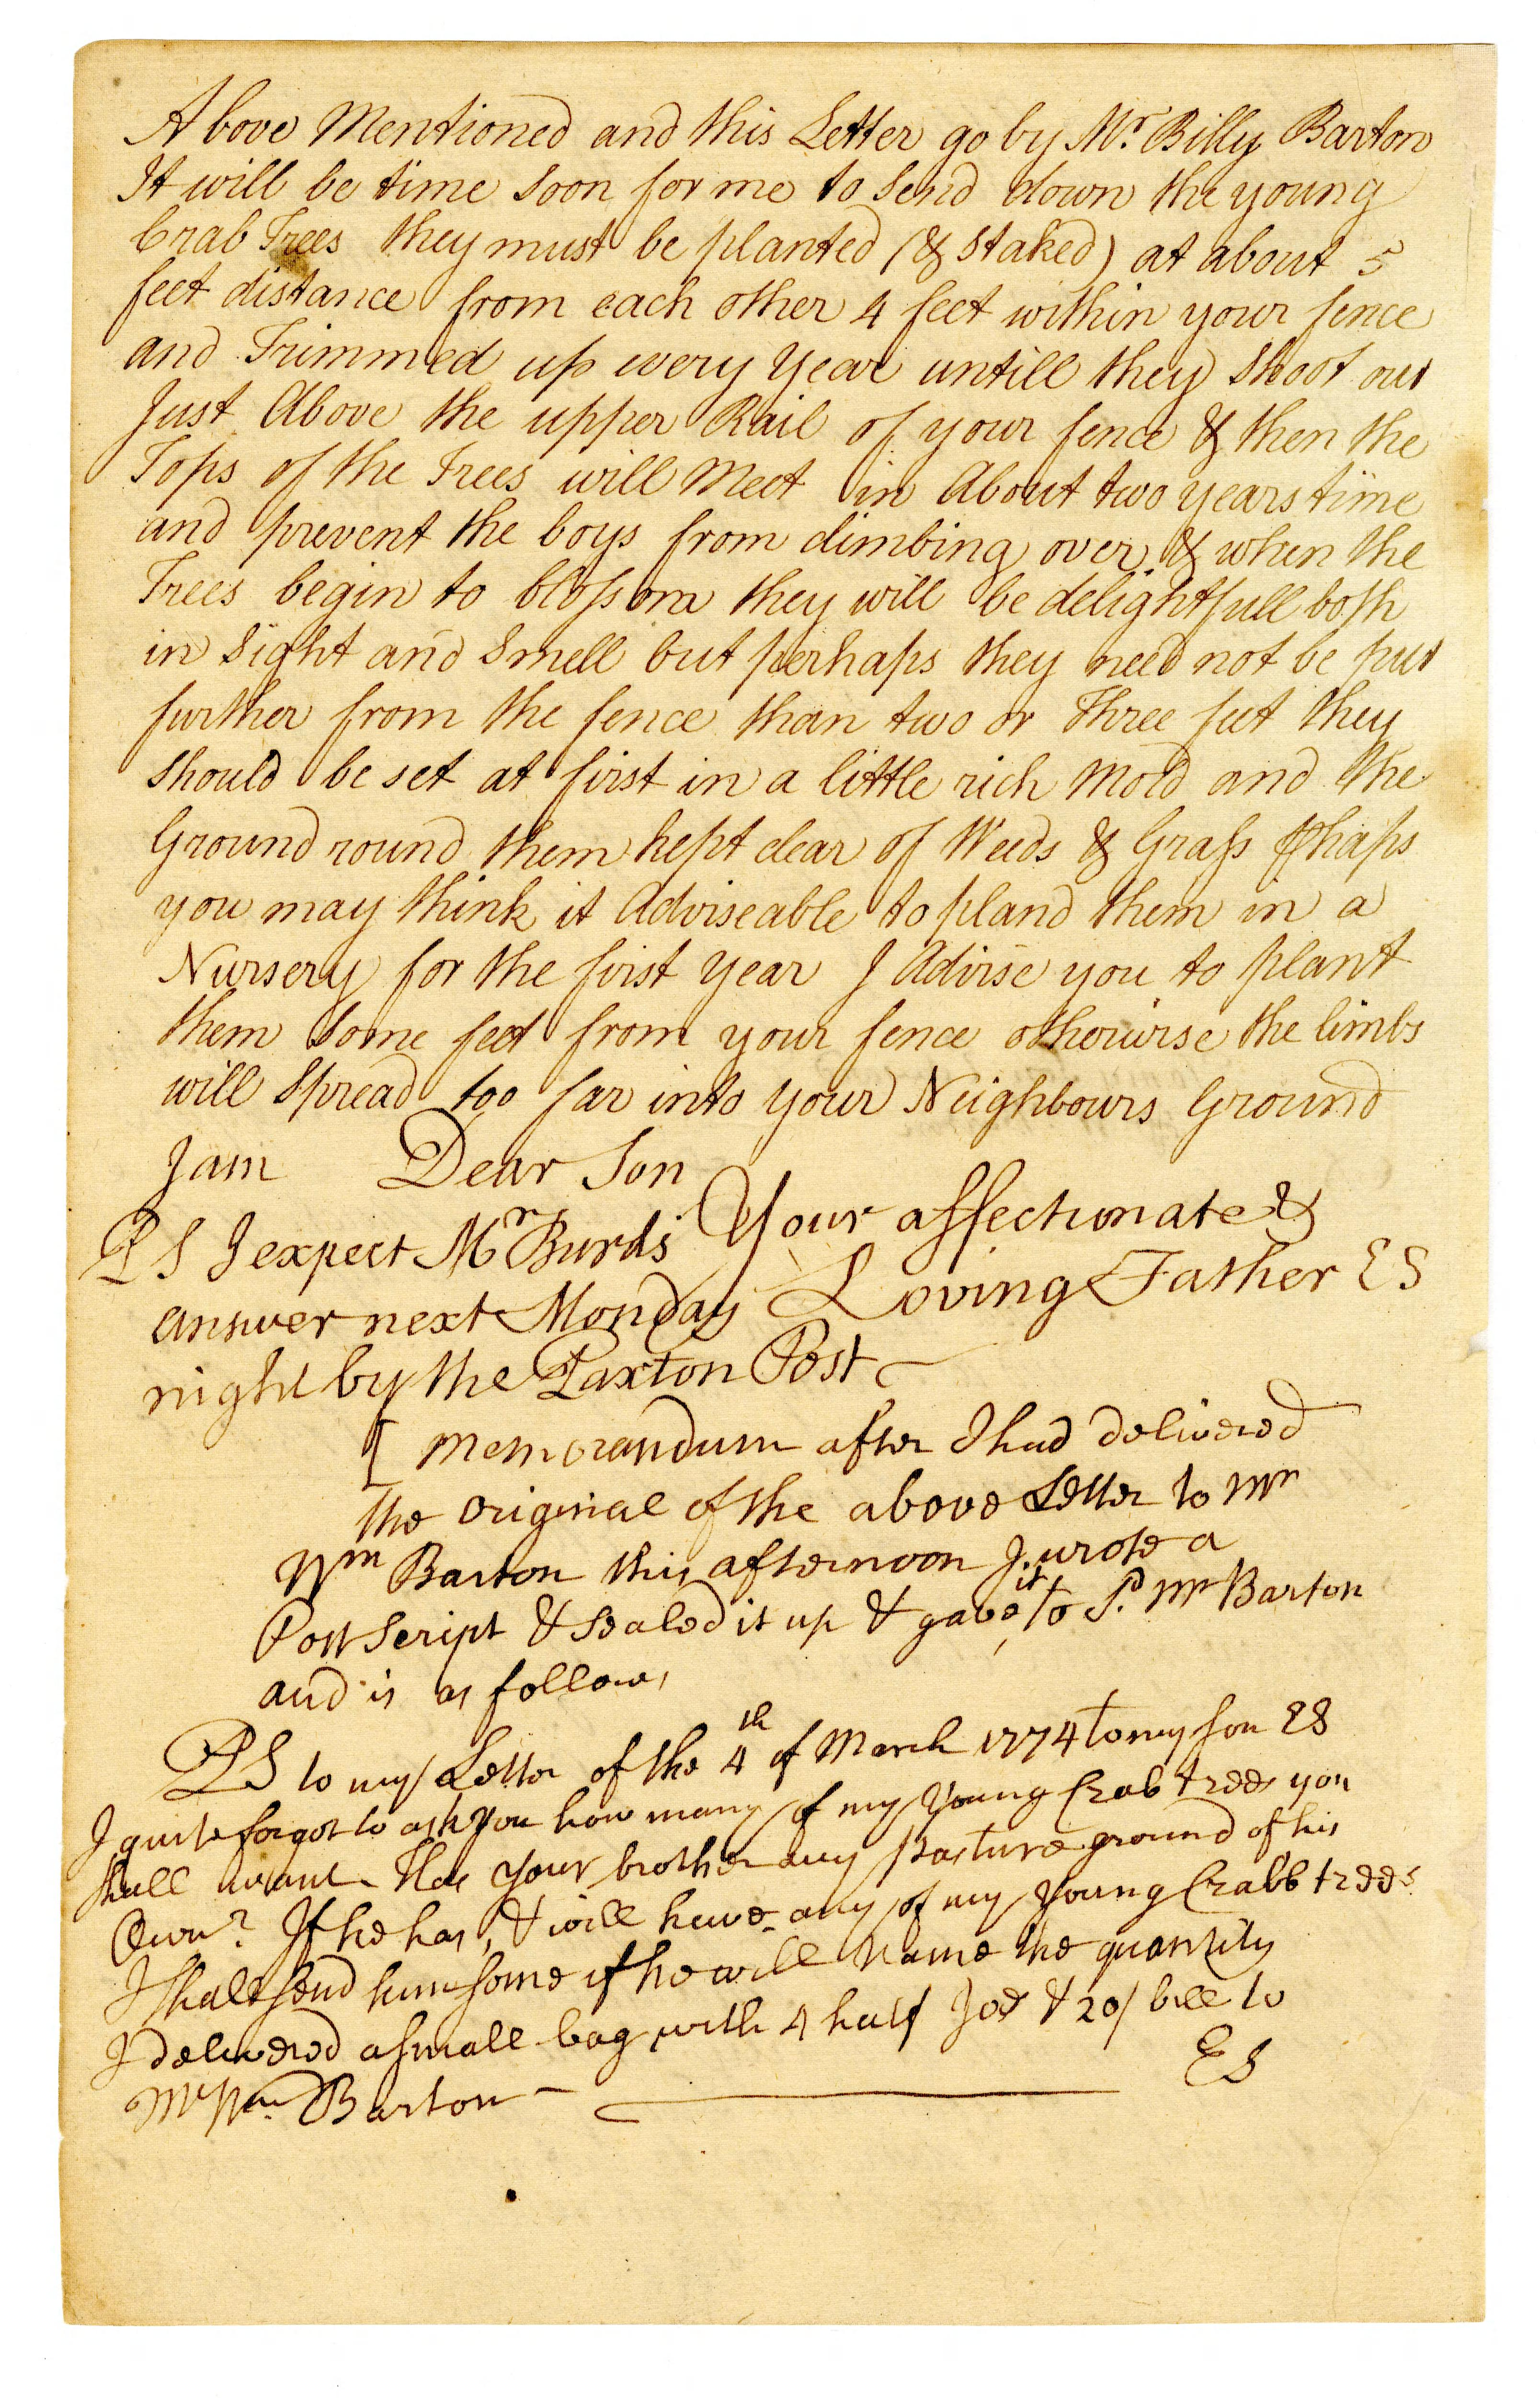Above Mentioned and this Letter go by M^r. Billy Barton
It will be time Soon for me to Send down the young
Crab Trees they must be planted (& staked) at about 5
feet distance from each other 4 feet within your fence
and Trimmed up every Year untill they Shoot out
Just Above the upper Rail of your fence & then the
Tops of the Trees will Meet in about two years time
and prevent the boys from climbing over. & when the
Trees begin to blossom they will be delightfull both
in Sight and Smell but perhaps they need not be put
further from the fence than two or Three feet they
Should be set at first in a little rich Mold and the
Ground round them kept clear of Weeds & Grass perhaps
you may think it Adviseable to pland them in a
Nursery for the first Year I Advise you to plant
them some feet from your fence otherwise the limbs
will Spread too far into your Neighbours Ground
I am Dear Son
Your affectionate &
Loving Father ES
PS I expect M^r Burds
answer next Monday
night by the Paxton Post
(memorandum after I had delivered
the Original of the above Letter to M^r
W^m Barton this afternoon I wrote a
it
Post Script & sealed it up & gave to s^d. M^r Barton
and is as follows
PS to my Letter of the 46th of March 1774 to my son ES
I quite forgot to ask you how many of my Young Crabtrees you
shall want. Has your brother any pasture ground of his
Own? If he has, per will have any of my Young Crabtrees
I shall send him some if he will name the quantity
I delivered a small bag with 4 half Joes per 20s bill to
M^r W^m. Barton
ES